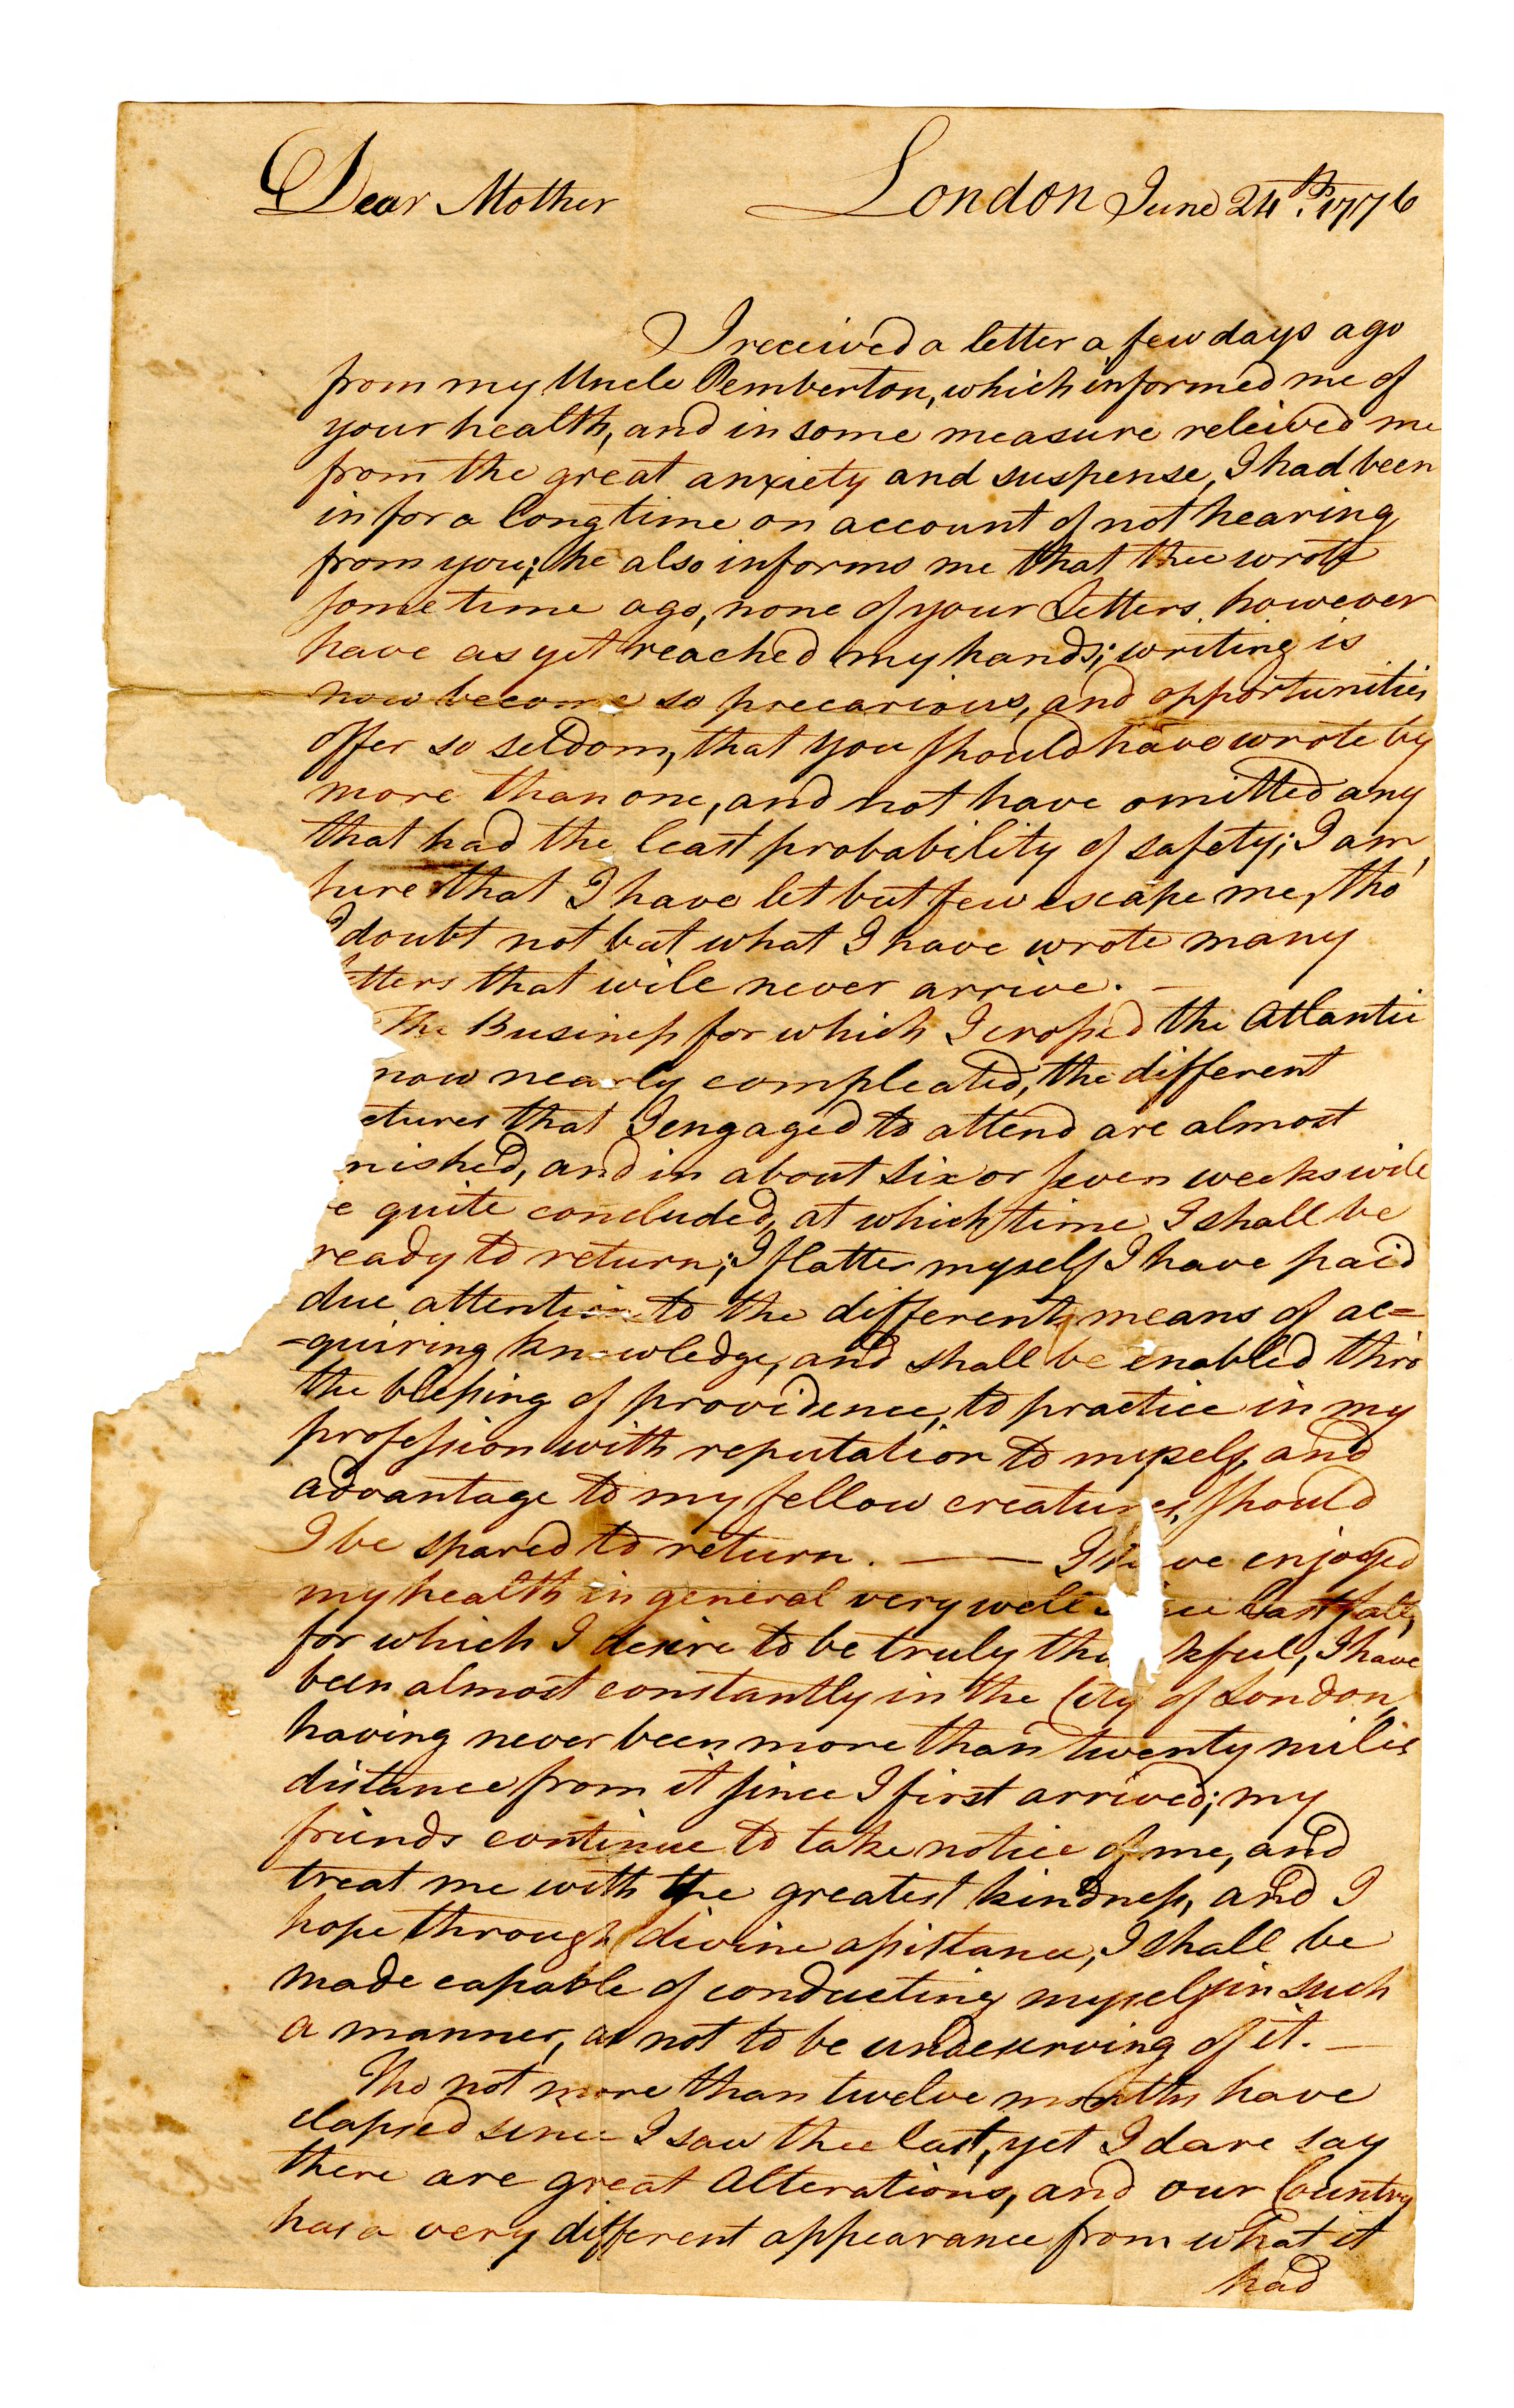Dear Mother
London June 24^th. 1776
I received a letter a few days ago
from my Uncle Pemberton, which informed me of
your health, and in some measure releived me
from the great anxiety and suspense, I had been
in for a long time on account of not hearing
from you; he also informs me that thee wrote
some time ago, none of your Letters however
have as yet reached my hands; writing is
now become so precarious, and opportunities
offer so seldom, that you should have wrote by
more than one, and not have omitted any
that had the least probability of safety; I am
sure that I have let but few escape me, tho'
I doubt not but what I have wrote many
letters that will never arrive.-
The Business for which I crossed the Atlantic
now nearly compleated, the different
ctures that I engaged to attend are almost
nished, and in about six or seven weeks will
e quite concluded, at which time I shall be
ready to return; I flatter myself I have paid
due attention to the different means of ac-
-quiring knowledge, and shall be enabled thro
the blessing of providence, to practice in my
profession with reputation to myself, and
advantage to my fellow creatures, should
I be spared to return.- I h[_]ve enjoyed
my health in general very well [___]ce last fall,
for which I desire to be truly th[__]kful, I have
been almost constantly in the City of London,
having never been more than twenty miles
distance from it since I first arrived; my
friends continue to take notice of me, and
treat me with the greatest kindness, and I
hope through divine assistance, I shall be
made capable of conducting myself in such
a manner as not to be undeserving of it.-
Tho not more than twelve months have
elapsed since I saw thee last, yet I dare say
there are great Alterations, and our Country
has a very different appearance from what it
had